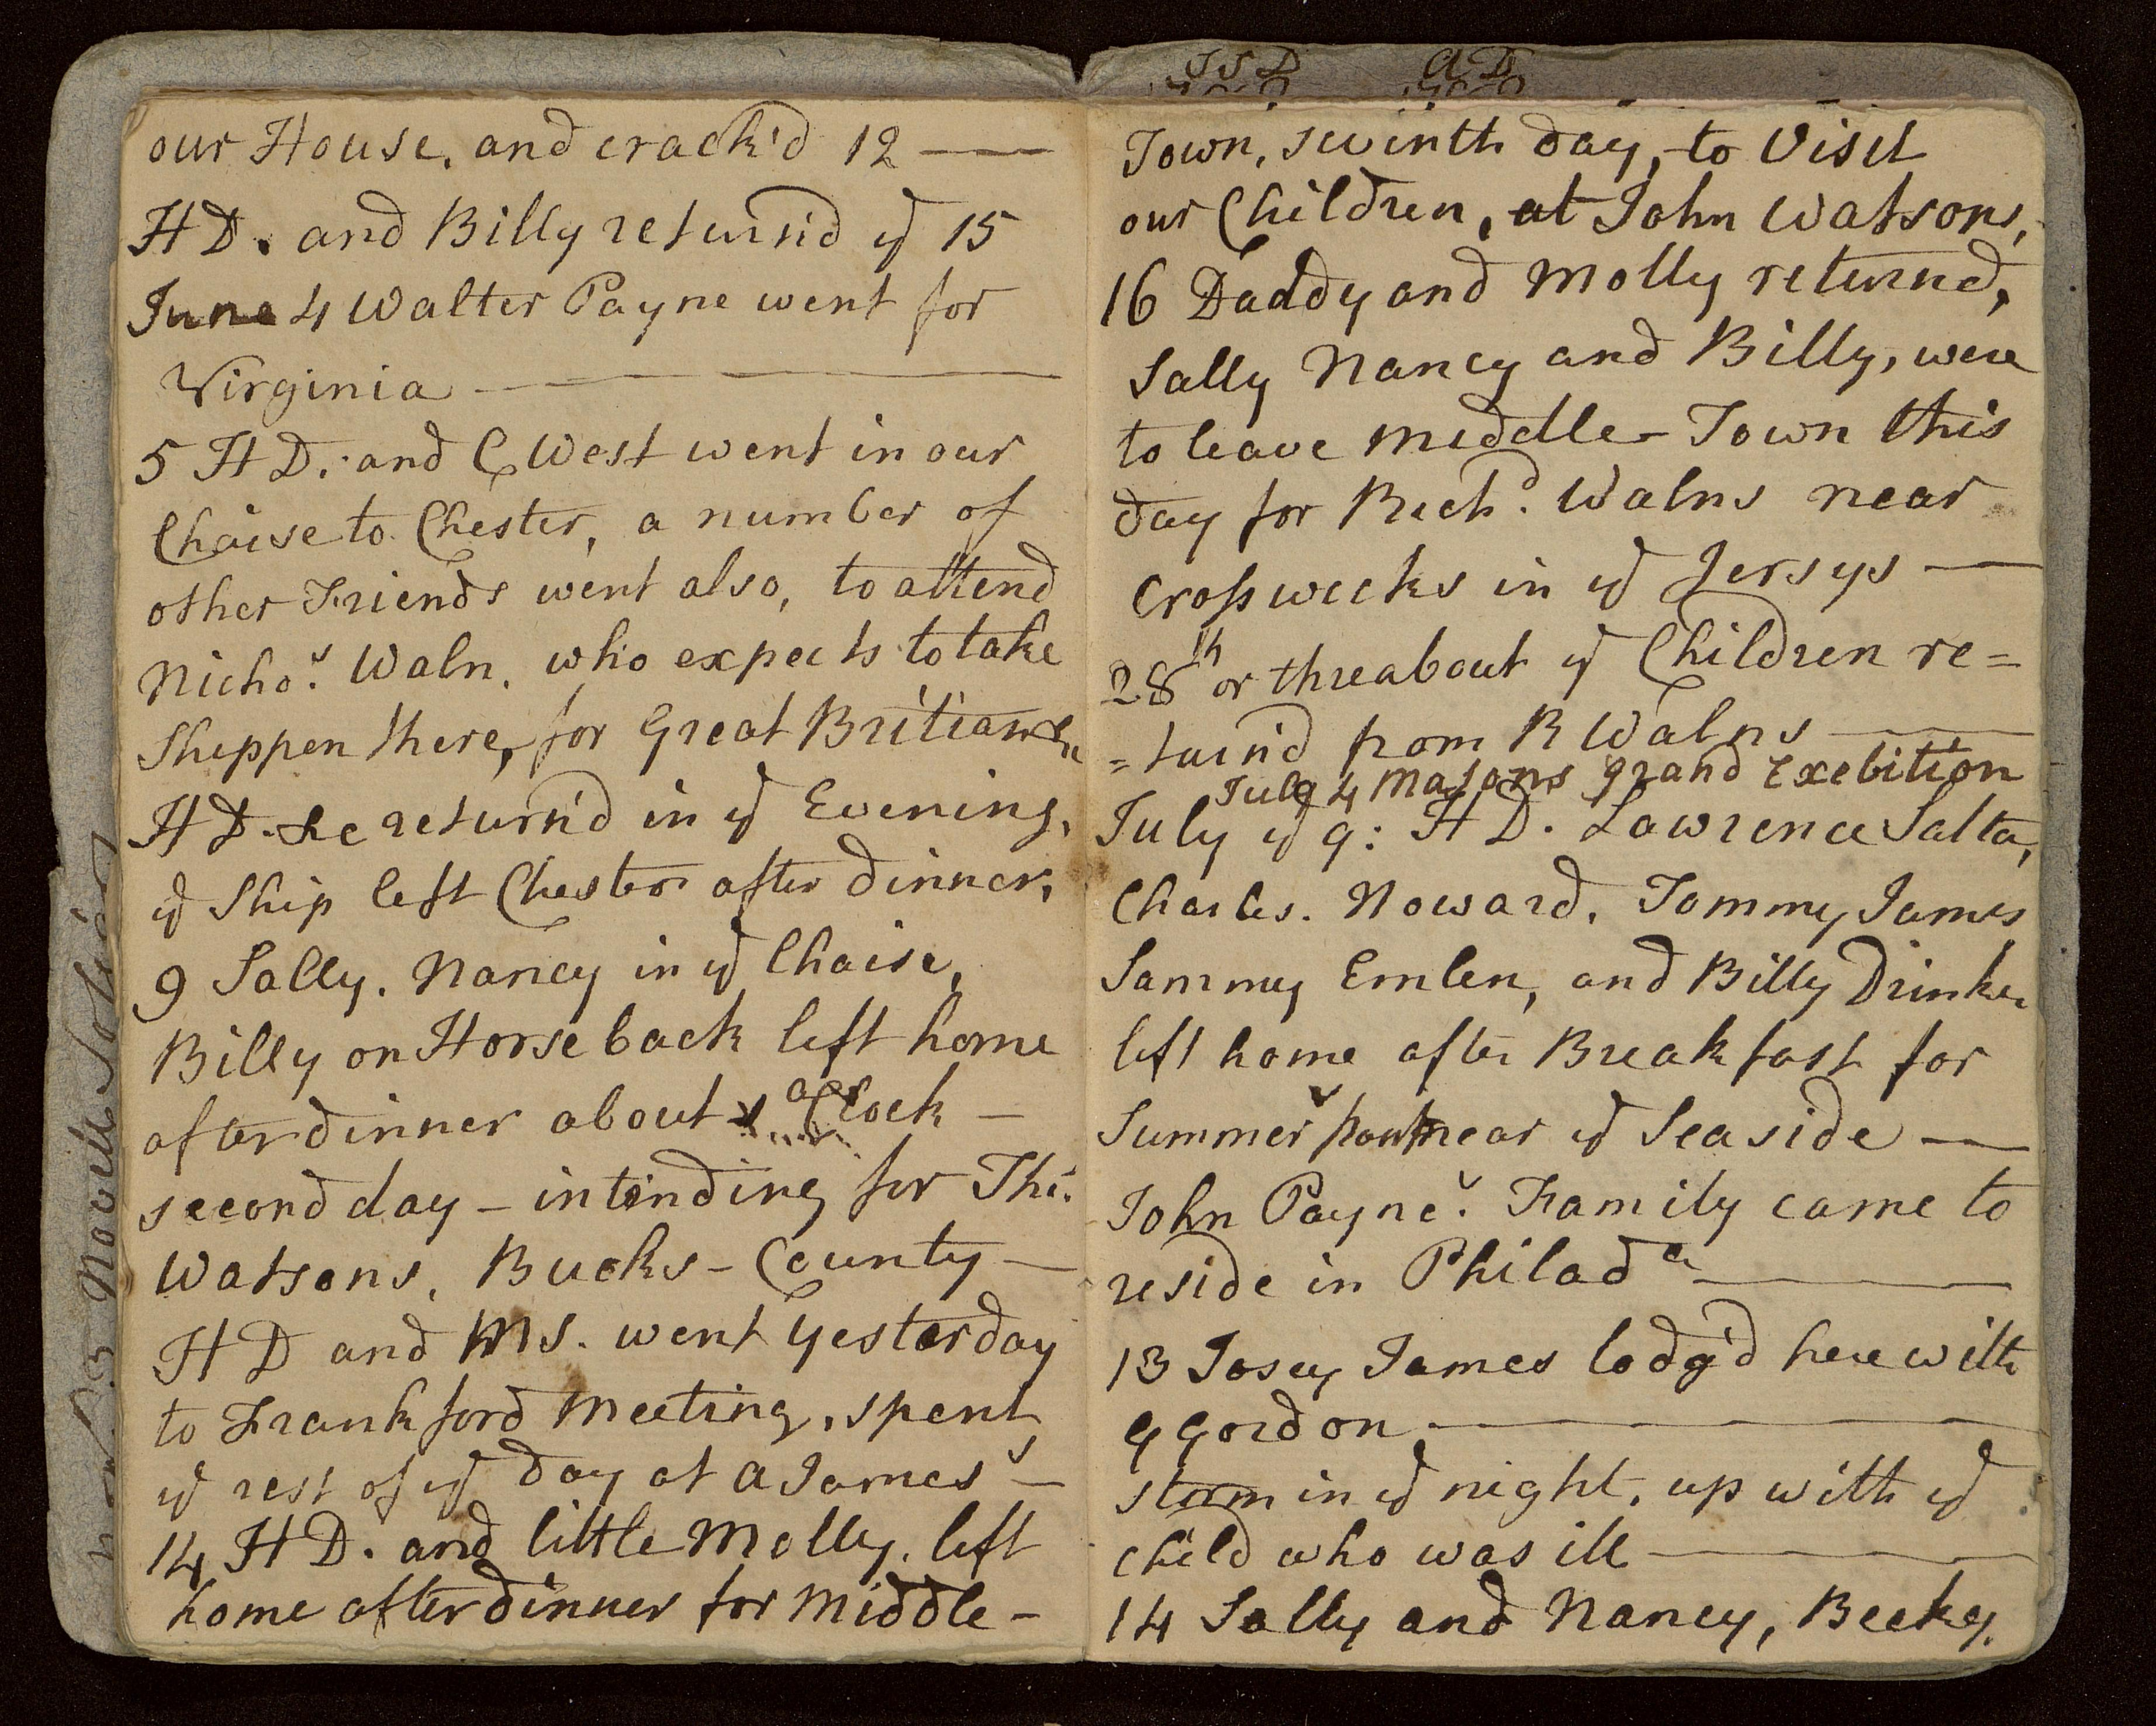our House, and crack'd 12-
HD. and Billy return'd y^e 15
June 4 Walter Payne went for
Virginia---
5 HD. and C West went in out
Chaise to Chester, a number of
other Friends went also, to attend
Nicho.^s Waln, who expects to take
Shippen there, for Great Britian [&c]
HD &c return'd in y^e Evening,
y^e ship left Chester after dinner,
9 Sally. Nancy in y^e Chaise
Billy on Horse back left home
after dinner about [_] ^o Clock
second day- intending, for Tho.^s
Watsons, Bucks-County
HD and MS went yesterday
to Frankford meeting, spent
y^e rest of y^e day at A James^s-
14 HD. and little Molly left
home after dinner for middle-
Town, seventh day, to visit
our Children, at John Watsons
16 Daddy and Molly returnd,
Sally Nancy and Billy, were
to leave middle Town this
day for Rich^d. Walns near
Cross weeks in y^e Jersys-
28^th or threabout y^e Children re-
-turn'd from R Walns-
July 4 Masons grand Exebition
July y^e 9: HD. Lawrence Salta,
Charles Noward, Tommy James
Sammy Emlen, and Billy Drinker
left home after Breakfast for
Summer pont near y^e Seaside.
John Payne^s. Family came to
reside in Philad^a-
13 Josey James lodg'd here with
G Gordon-
storm in y^e night, up with y^e
child who was ill-
14 Sally and Nancy, Becky